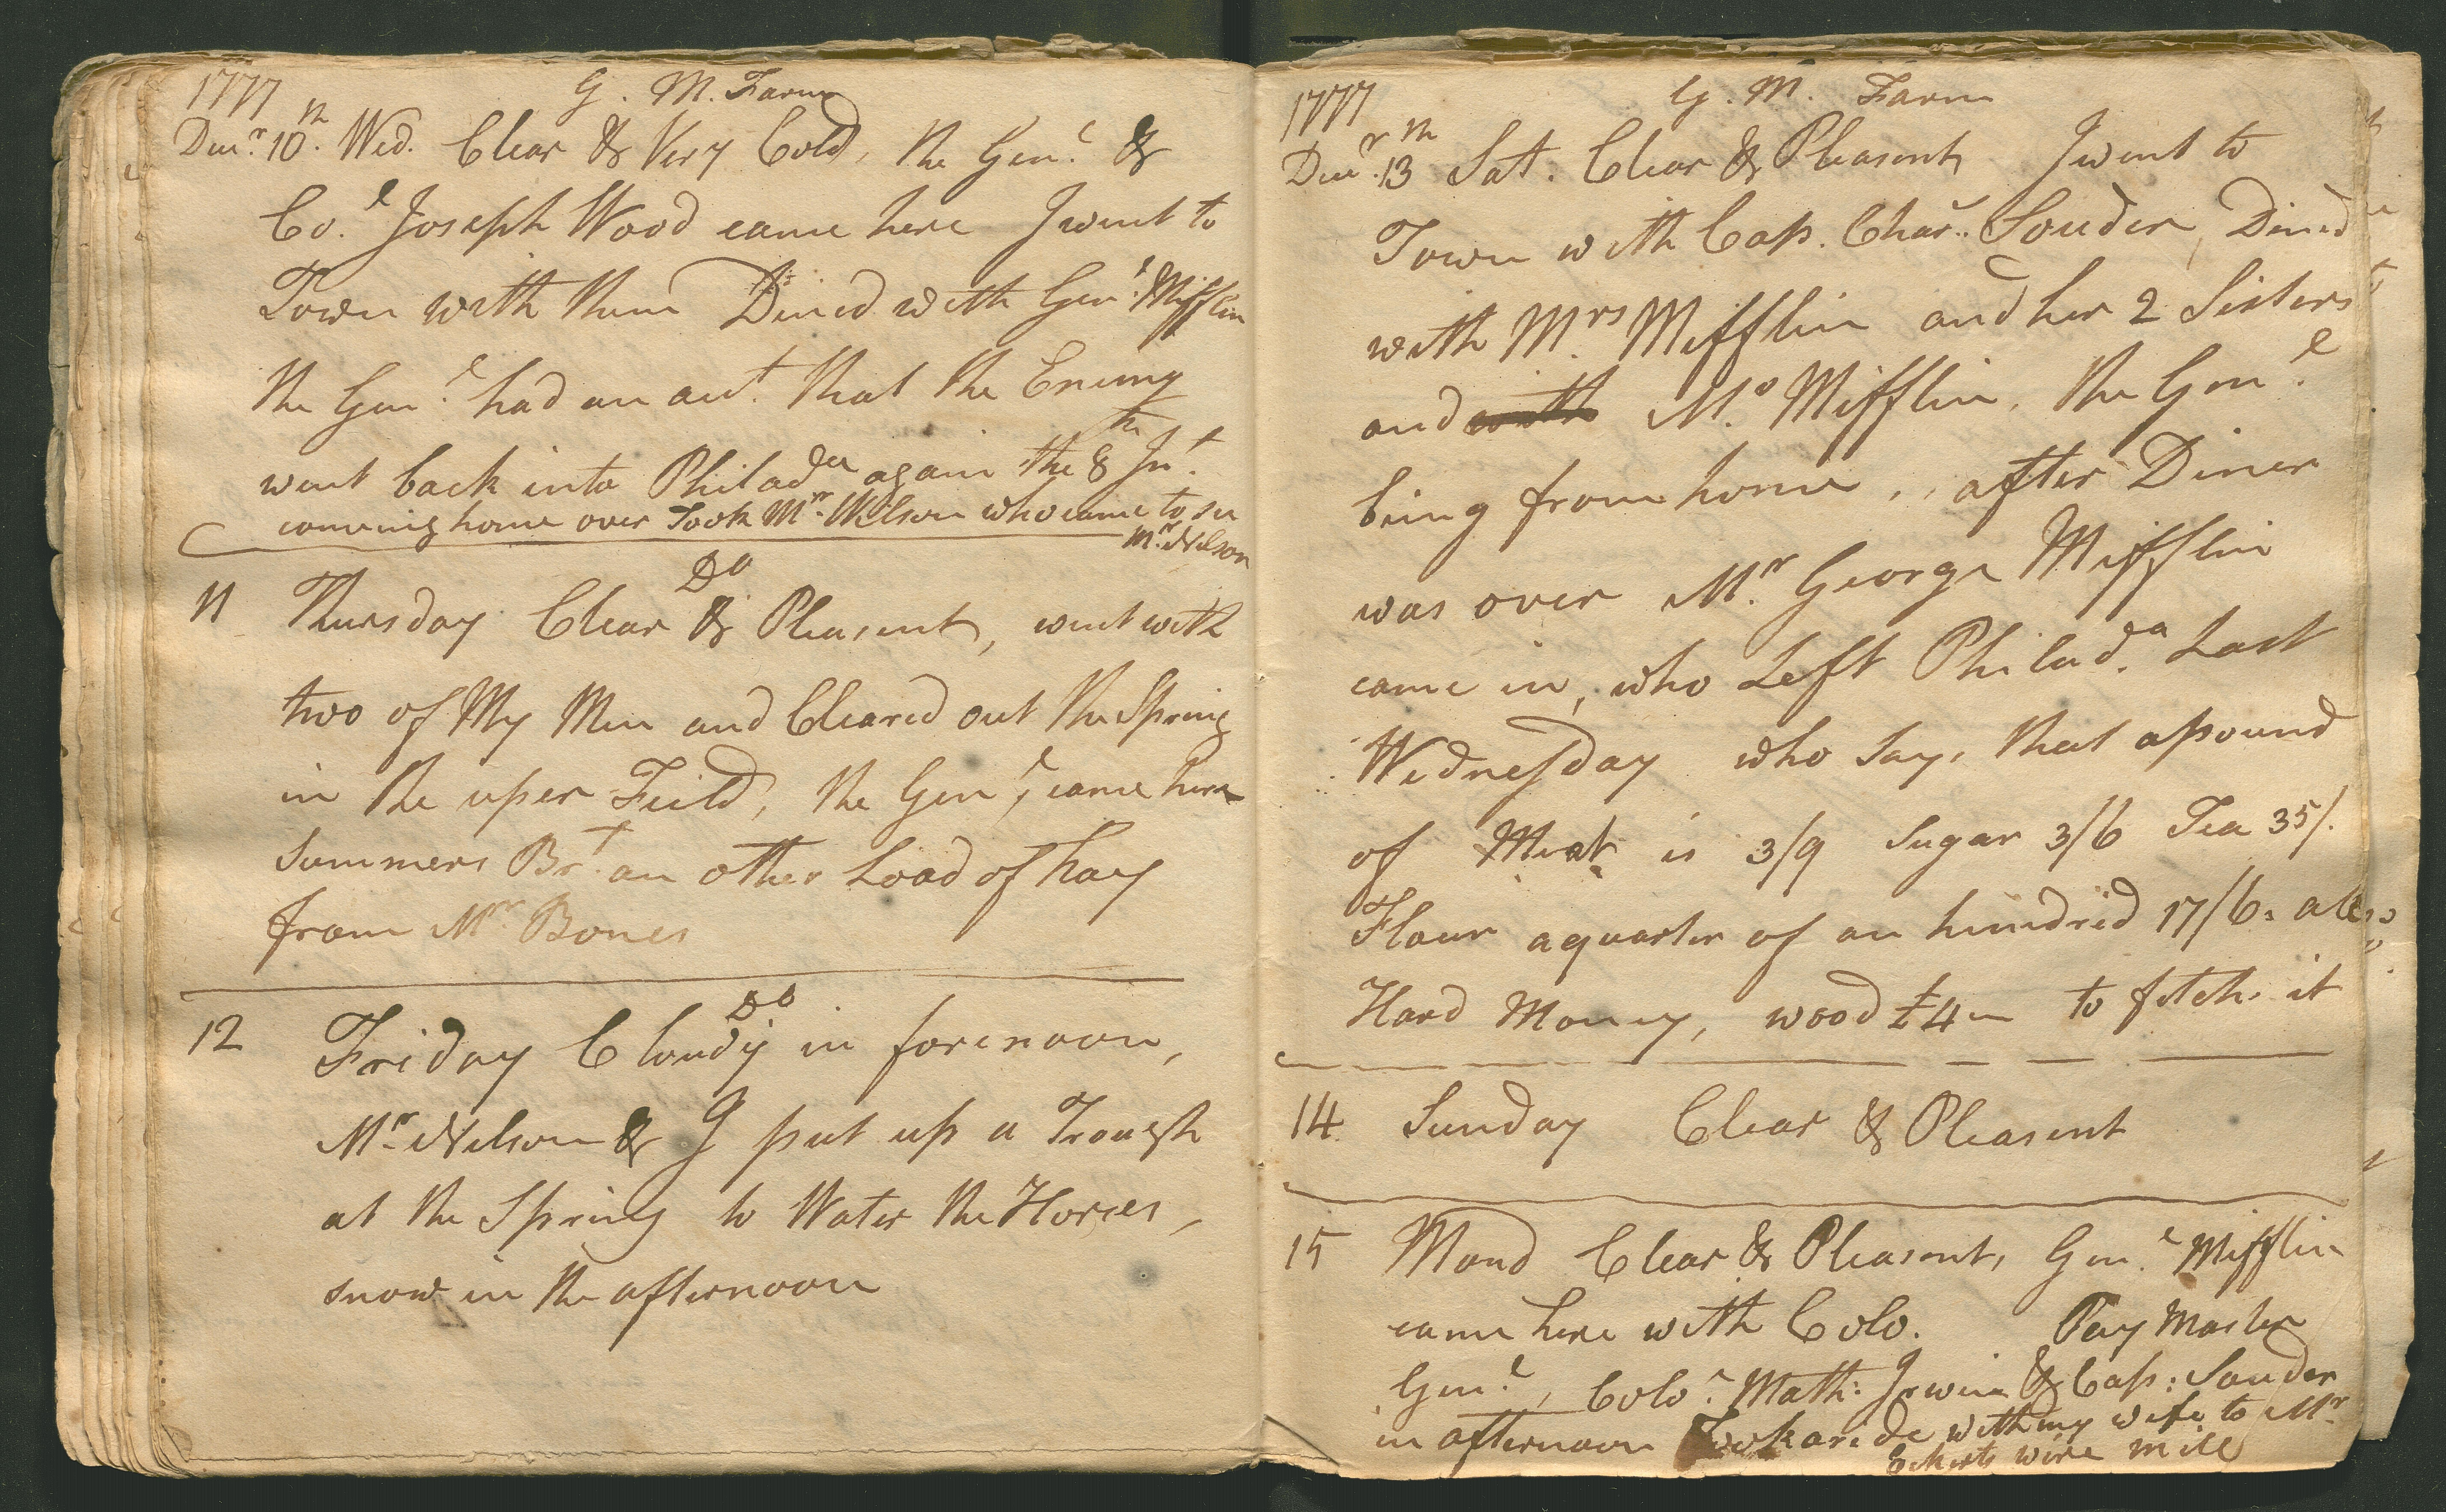1777
G. M. Farm
Dec^r. 10^th. Wed. Clear & Very Cold. the Gen^l. &
Co. Joseph Wood came here I went to
Town with them Dined with Gen^l Mifflin
the Gen^l. had an acc^t. that the Enemy
went back into Philad^a. again the 8th In^t.
comeing home over Took M^r. Wilson who came to see
M^r. Nelson
D^o.
11 Thursday Clear & Pleasent went with
two of My Men and Cleared out the Spring
in the uper Field, the Gen^l came here
Summers Br^t. an other Load of hay
from M^r. Bones
D^o.
12 Friday Cloudy in forenoon
M^r. Nelson & I put up a Trough
at the Spring to Water the Horses,
snow in the afternoon
G. M. Farn
1777
Dece^r. 13^th Sat. Clear & Pleasent I went to
Town with Cap. Char^s. Souder, Dined
with M^rs. Mifflin and her 2 Sisters
and [with] M^r. Mifflin, the Gen^l.
being from home, after Diner
was over M^r. George Mifflin
came in, who Left Philad^a. Last
Wednesday who says that a pound
of Meat is 3s9 sugar 3f6 Tea 35s.
Flour a quarter of an hundred 17s6. allso
Hard Money wood £4- to fetch it
14 Sunday Clear & Pleasent
14 Mond Clear & Pleasent, Gen^l. Mifflin
came here with Colo. Pay Marle
Gen^l., Colo^l. Math: Irwin & Cap: Souder
in afternoon Toop a ride with my wife to M^r.
Eekerts wine mill